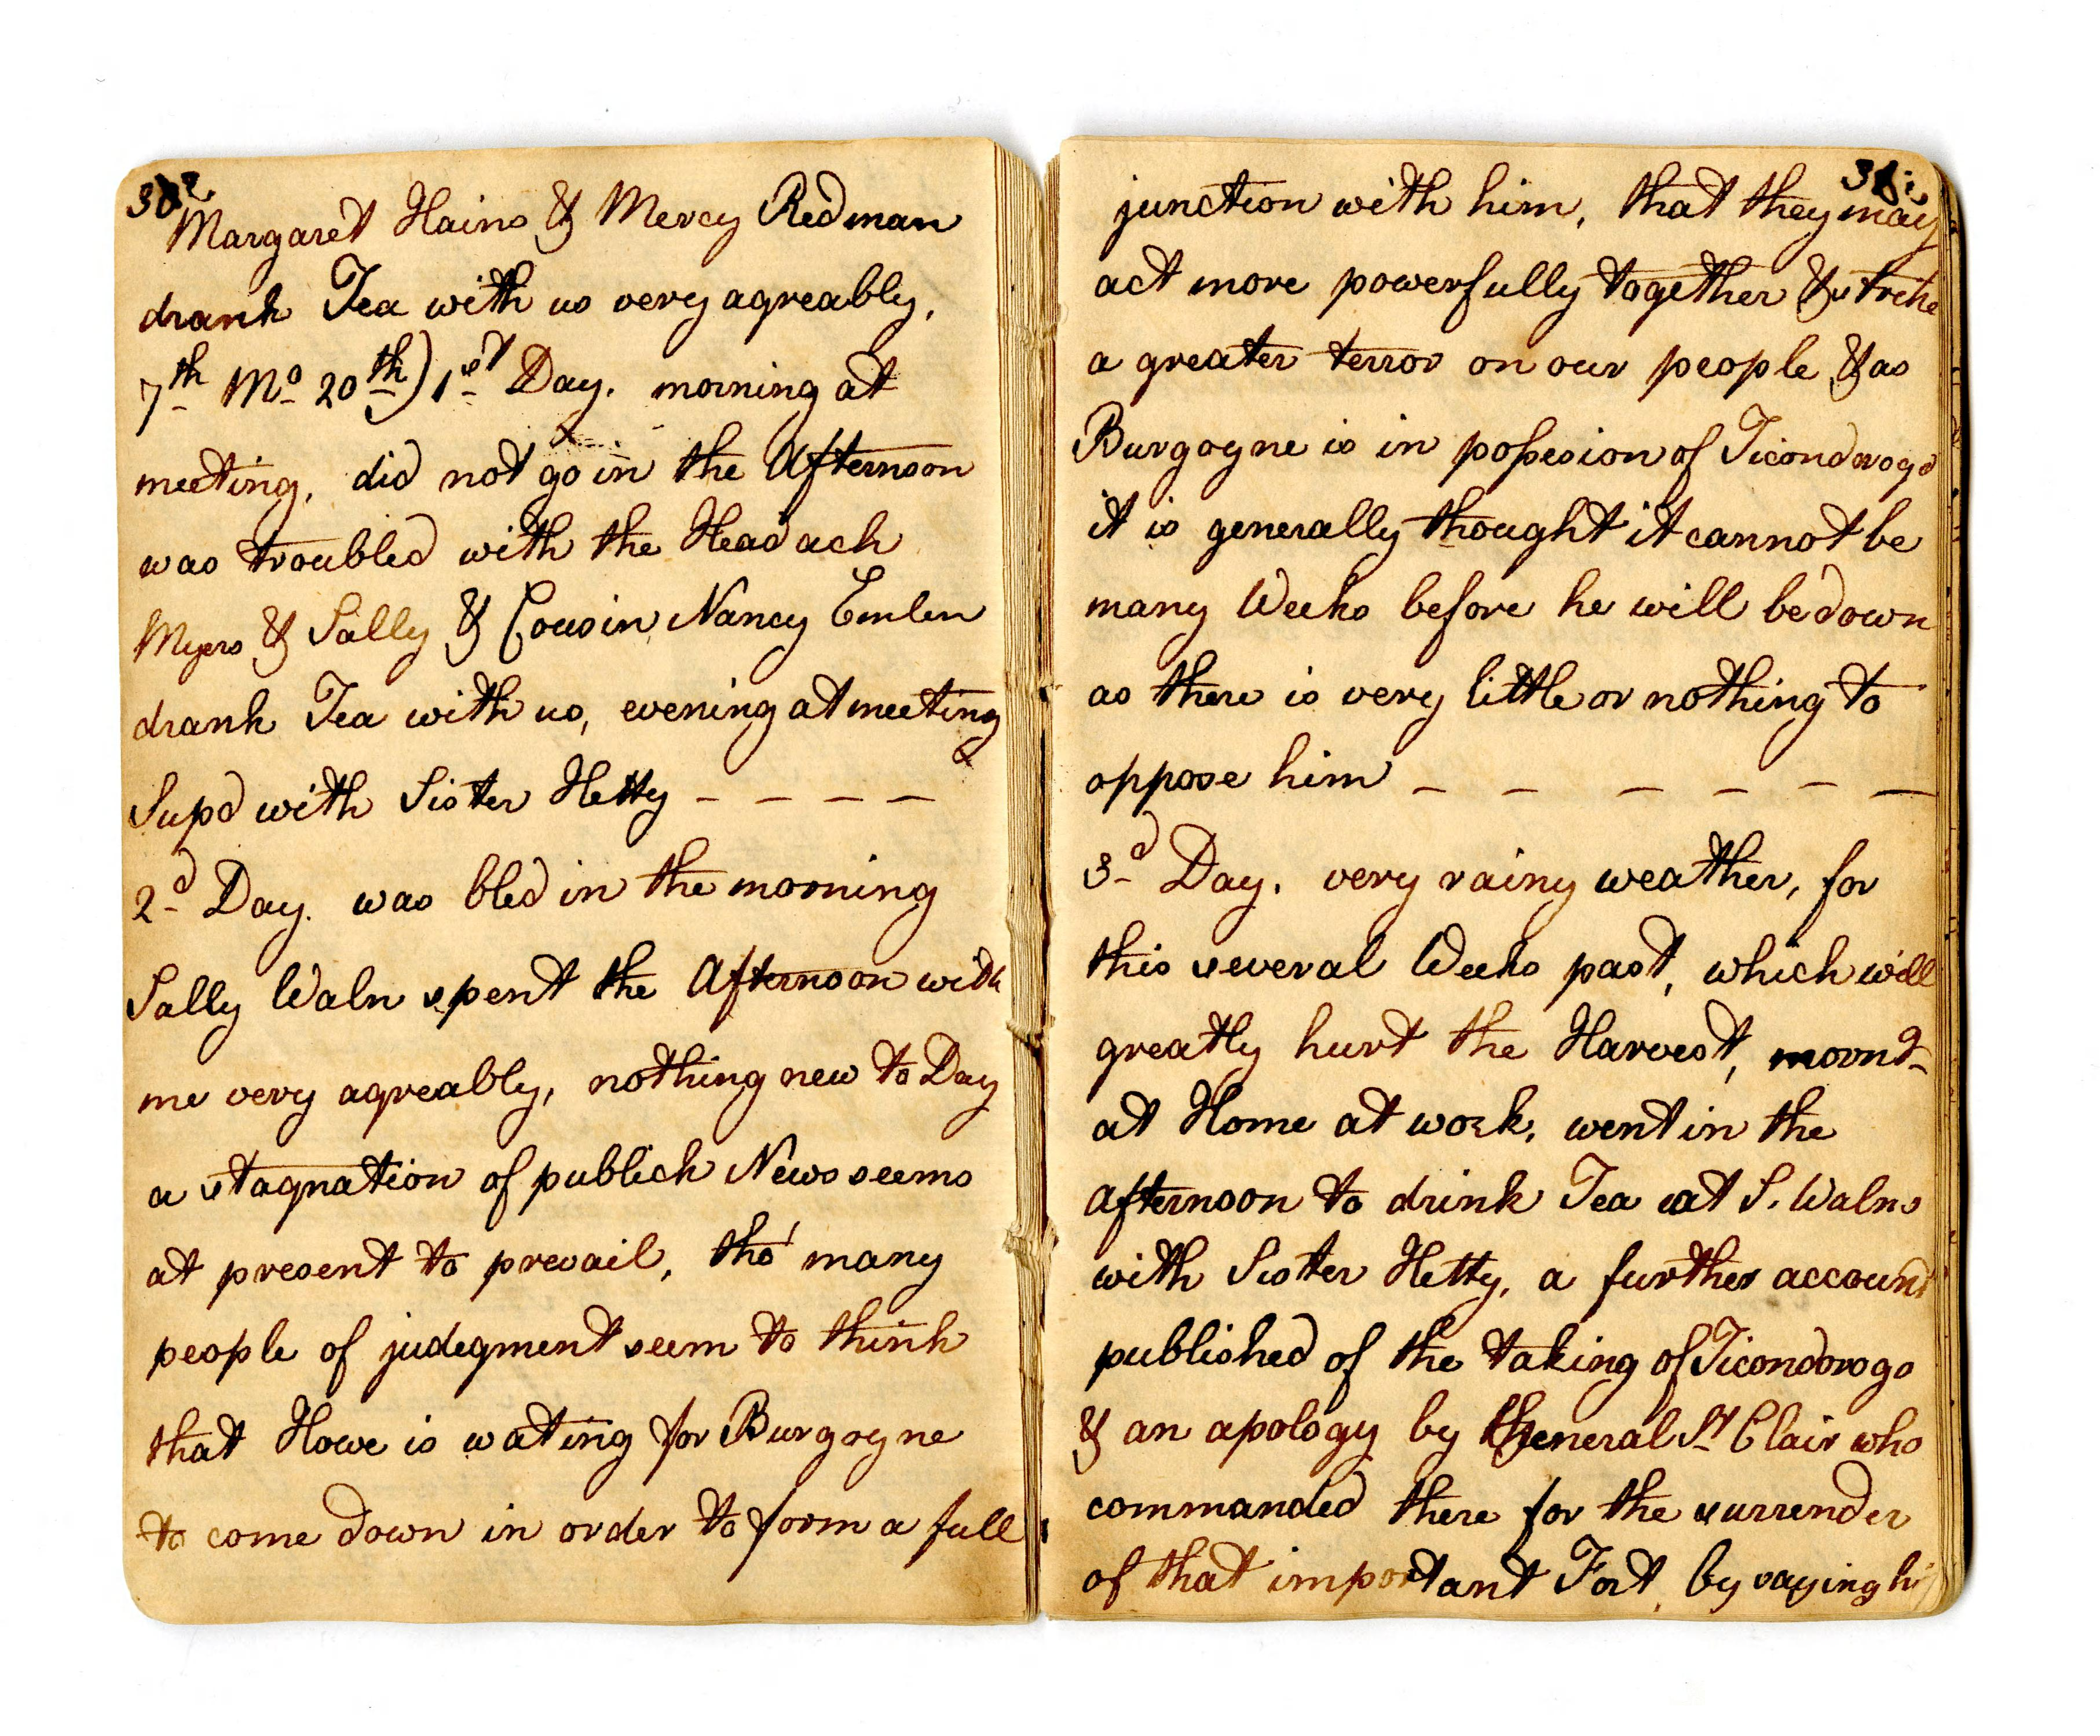Margaret Hains & Mercy Redman
drank Tea with us very agreably,
7^th M^o 20^th ) 1^st Day. morning at
meeting, did not go in the Afternoon
was troubled with the Head ach
Myers & Sally & Cousin Nancy Emlen
drank Tea with us, evening at meeting
Supd with Sister Hetty-
2^d Day. was bled in the morning
Sally Waln spent the Afternoon with
me very agreably, nothing new to Day
a stagnation of publick News seems
at present to prevail, tho' many
people of judegment seem to think
that Howe is wating for Burgoyne
to come down in order to form a full
junction with him, that they may
act more powerfully together & strike
a greater terror on our people & as
Burgoyne is in possesion of Ticondorogo
it is generally thought it cannot be
many Weeks before he will be down
as there is very little or nothing to
oppose him-
3^d Day. very rainy weather, for
this several Weeks past, which will
greatly hurt the Harvest, morn^g
at Home at work, went in the
Afternoon to drink Tea at S. Walns
with Sister Hetty, a further account
published of the taking of Ticondorogo
& an apology by General S^t Clair who
commanded there for the surrender
of that important Fort, by sayin h[i]